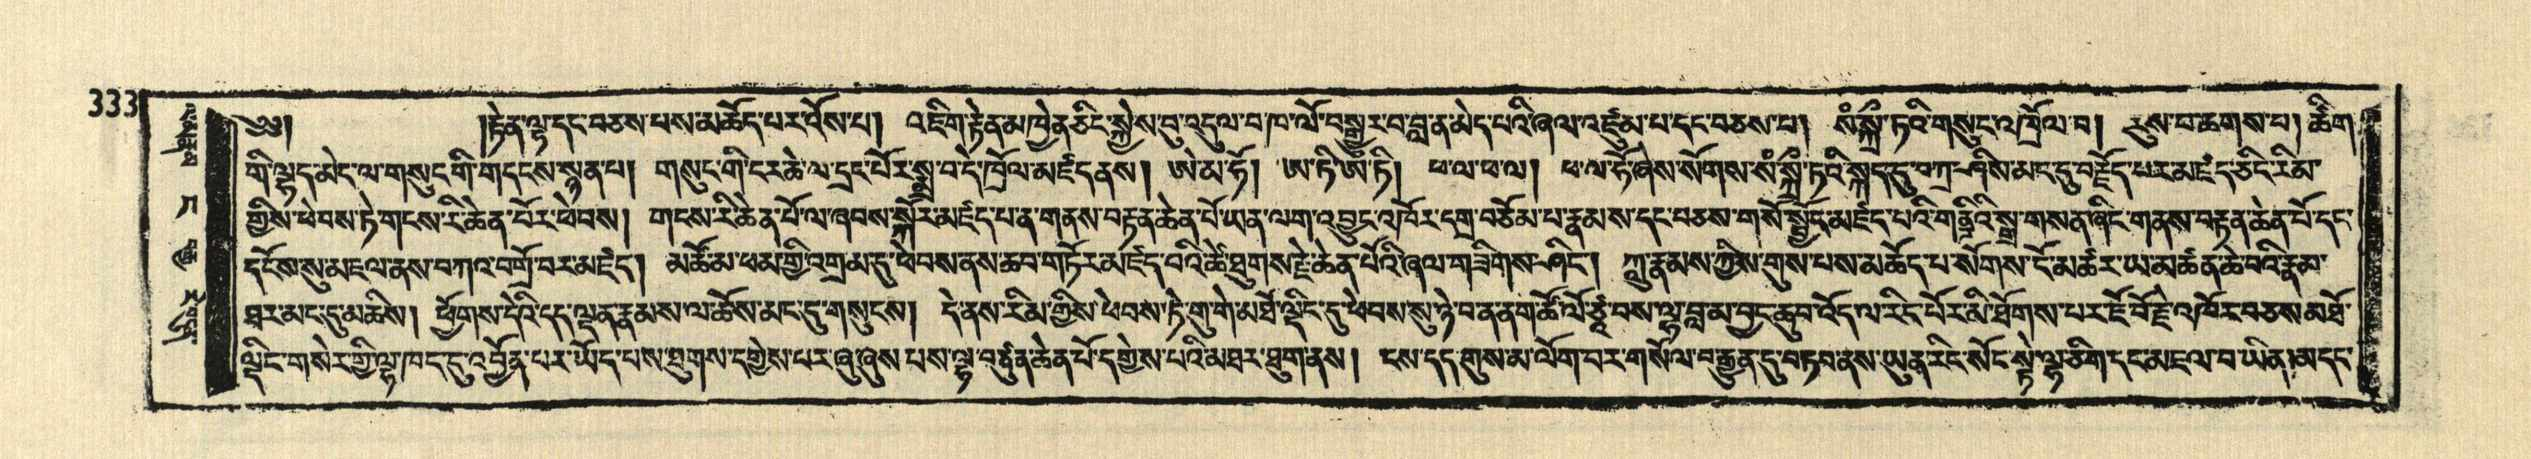༄༅། །རྟེན་ལྷ་དང་བཅས་པས་མཆོད་པར་འོས་པ། འཇིག་རྟེན་མཁྱེན་ཅིང་སྐྱེས་བུ་འདུལ་བ་ཁ་ལོ་བསྒྱུར་བ་བླ་ན་མེད་པའི་ཞལ་འཛུམ་པ་དང་བཅས་པ། སཾ་སྐྲྀ་ཏའི་གསུང་འཁྲོལ་བ། རུས་བ་ཆགས་པ། ཚིག་
གི་ལྷད་མེད་ལ་གསུང་གི་གདངས་སྙན་པ། གསུང་གི་ངར་ཆེ་ལ་དྲང་པོར་སྨྲ་བ་དེ་ཁྲོལ་མཛད་ནས། ཨེ་མ་ཧོ། ཨ་ཏི་ཨ་ཏི། ཕ་ལ་ཕ་ལ། ཕ་ལ་ཧོ་ཞེས་སོགས་སཾ་སྐྲྀ་ཏའི་སྐད་དུ་བཀྲ་ཤིས་མང་དུ་བརྗོད་པར་མཛད་ཅིང་རིམ་
གྱིས་ཕེབས་ཏེ་གངས་རི་ཆེན་པོར་ཕེབས། གངས་རི་ཆེན་པོ་ལ་ཞབས་སྐོར་མཛད་པ་ན་གནས་བརྟན་ཆེན་པོ་ཡན་ལག་འབྱུང་འཁོར་དགྲ་བཅོམ་པ་རྣམས་དང་བཅས་གསོ་སྦྱོད་མཛད་པའི་གཎྜིའི་སྒྲ་གསན་ཞིང་གནས་བརྟན་ཆེན་པོ་དང་
དངོས་སུ་མཇལ་ནས་བཀའ་བགྲོ་བར་མཛད། མཚོ་མ་ཕམ་གྱི་འགྲམ་དུ་ཕེབས་ནས་ཆབ་གཏོར་མཛད་བའི་ཚེ་ཐུགས་རྗེ་ཆེན་པོའི་ཞལ་གཟིགས་ཤིང་། ཀླུ་རྣམས་ཀྱིས་གུས་པས་མཆོད་པ་སོགས་ངོ་མཚར་ཡ་མཚན་ཆེ་བའི་རྣམ་
ཐར་མང་དུ་མཆིས། ཕྱོགས་དེའི་དད་ལྡན་རྣམས་ལ་ཆོས་མང་དུ་གསུངས། དེ་ནས་རིམ་གྱིས་ཕེབས་ཏེ་གུ་གེ་མཐོ་ལྡིང་དུ་ཕེབས་སུ་ཉེ་བ་ན་ནག་ཚོ་ལོ་ཙཱ་བས་ལྷ་བླ་མ་བྱང་ཆུབ་འོད་ལ་རིང་པོར་མི་ཐོགས་པར་ཇོ་བོ་རྗེ་འཁོར་བཅས་མཐོ་
ལྡིང་གསེར་གྱི་ལྷ་ཁང་དུ་འབྱོན་པར་ཡོད་པས་ཐུགས་དགྱེས་པར་ཞུ་ཞུས་པས་ལྷ་བཙུན་ཆེན་པོ་དགྱེས་པའི་མཐར་ཐུག་ནས། ངས་དད་གུས་མ་ལོག་བར་གསོལ་བ་རྒྱུན་དུ་བཏབ་ནས་ཡུན་རིང་སོང་སྟེ་ལྷ་ཅིག་དང་མཇལ་བ་ཡིན། མདང་